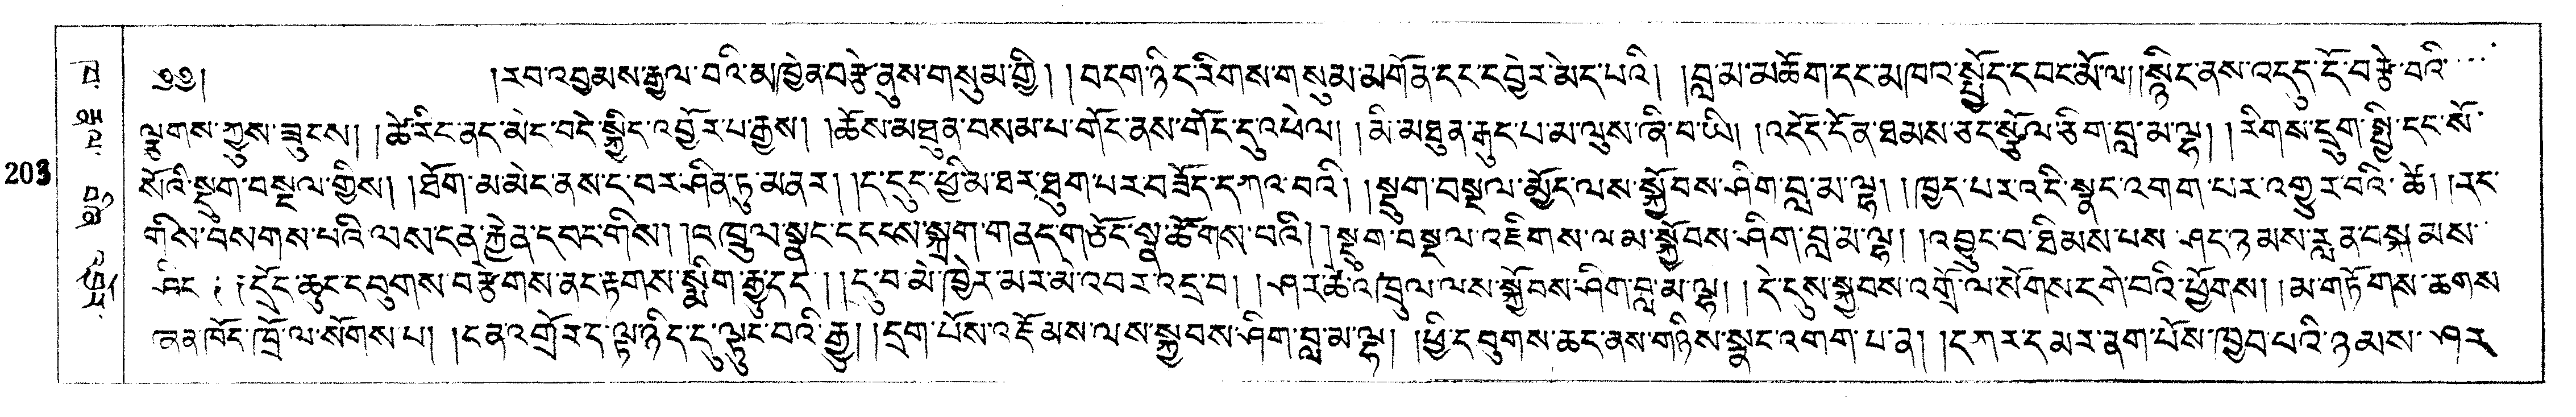༄༅། །རབ་འབྱམས་རྒྱལ་བའི་མཁྱེན་བརྩེ་ནུས་གསུམ་གྱི། །བདག་ཉིད་རིགས་གསུམ་མགོན་དང་དབྱེར་མེད་པའི། །བླ་མ་མཆོག་དང་མཁའ་སྤྱོད་དབང་མོ་ལ། །སྙིང་ནས་འདུད་དོ་བརྩེ་བའི་
ལྕགས་ཀྱུས་ཟུངས། །ཚེ་རིང་ནད་མེད་བདེ་སྐྱིད་འབྱོར་བ་རྒྱས། །ཆོས་མཐུན་བསམ་པ་གོང་ནས་གོང་དུ་འཕེལ། །མི་མཐུན་རྒུད་པ་མ་ལུས་ཞི་བ་ཡི། །འདོད་དོན་ཐམས་ཅད་སྩོལ་ཅིག་བླ་མ་ལྷ། །རིགས་དྲུག་སྤྱི་དང་སོ་
སོའི་སྡུག་བསྔལ་གྱིས། །ཐོག་མ་མེད་ནས་ད་བར་ཤིན་ཏུ་མནར། །ད་དུང་ཕྱི་མཐར་ཐུག་པར་བཟོད་དཀའ་བའི། །སྡུག་བསྔལ་མྱོང་ལས་སྐྱོབས་ཤིག་བླ་མ་ལྷ། །ཁྱད་པར་འདི་སྣང་འགག་པར་འགྱུར་བའི་ཚེ། །རང་
གིས་བསགས་པའི་ལས་ངན་རྐྱེན་དབང་གིས། །འཁྲུལ་སྣང་དངངས་སྐྲག་གནད་གཅོད་སྣ་ཚོགས་པའི། །སྡུག་བསྔལ་འཇིགས་ལས་སྐྱོབས་ཤིག་བླ་མ་ལྷ། །འབྱུང་བ་ཐིམས་པས་ཤེད་ཉམས་རླན་བསྐམས་
ཤིང༑ ༑དྲོད་ཆུང་དབུགས་བརྩེགས་ནང་རྟགས་སྨིག་རྒྱུ་དང་། །དུ་བ་མེ་ཁྱེར་མར་མེ་འབར་འདྲ་བ། །ཤར་ཚེ་འཁྲུལ་ལས་སྐྱོབས་ཤིག་བླ་མ་ལྷ། །དེ་དུས་སྐྱབས་འགྲོ་ལ་སོགས་དགེ་བའི་ཕྱོགས། །མ་གཏོགས་ཆགས་
ཞེན་ཁོང་ཁྲོ་ལ་སོགས་པ། །ངན་འགྲོར་ད་ལྟ་ཉིད་དུ་ལྟུང་བའི་རྒྱུ། །དྲག་པོས་འཇོམས་ལས་སྐྱོབས་ཤིག་བླ་མ་ལྷ། །ཕྱི་དབུགས་ཆད་ནས་གཉིས་སྣང་འགག་པ་ན། །དཀར་དམར་ནག་པོས་ཁྱབ་པའི་ཉམས་ཤར་